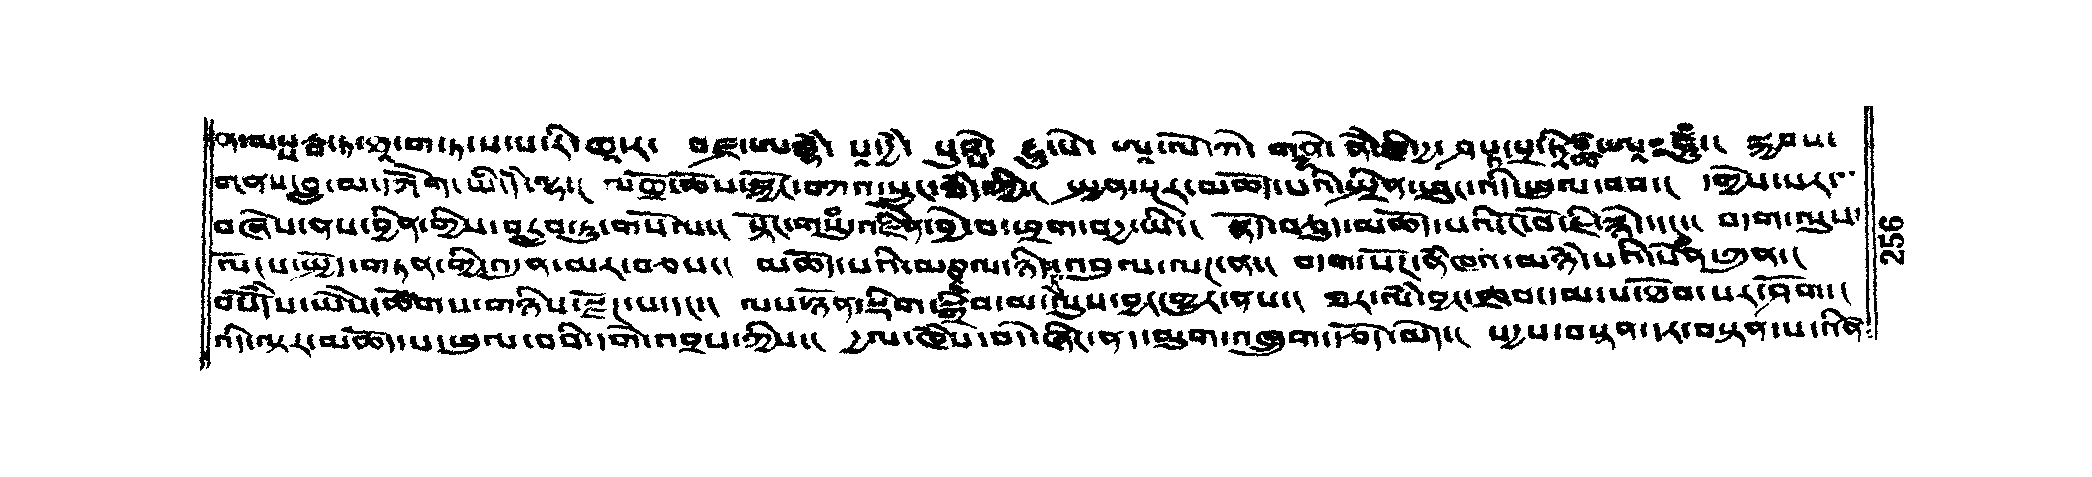ན་མ་སརྦ་ཏ་ཐཱ་ག་ཏ་ས་པ་རི་ཝཱ་ར། བཛྲ་ཨརྒྷཾ། པཱདྱཾ། པུཥྤེ། དྷུ་པེ། ཨཱ་ལོ་ཀེ། གྷནྡེ། ནཻ་ཝི་དྱ། ཤཔྟ་པྲ་ཏཱི་ཙྪ་ཨཱཿཧཱུྃ། སྐྱབས་
གནས་བླ་མ་དཀོན་མཆོག་ཡི་དམ་ལྷ། མཁའ་འགྲོ་ཆོས་སྐྱོང་བཀའ་སྲུང་ཐམས་ཅད་ཀྱི། །སྤྱན་སྔར་མཆོད་པའི་སྤྲིན་ཕུང་འདི་ཕུལ་བས། །དགྱེས་པར་
བཞེས་ནས་བྱིན་གྱིས་བརླབ་ཏུ་གསོལ། སྟོང་གསུམ་འཇིག་རྟེན་བྱེ་བ་ཕྲག་བརྒྱ་ཡི། །སྣོད་བཅུད་མཆོད་པའི་ངོ་བོ་ཇི་སྙེད་དང་། བདག་ལུས་
ལོངས་སྤྱོད་གཏན་གྱི་བདུན་མར་བཅས། །མཆོད་པའི་མཎྜལ་ཉིད་དུ་འབུལ་ལགས་ན། །བདག་སོགས་ནམ་མཁའ་མཉམ་པའི་སེམས་ཅན་ཀུན། །
བསོད་ནམས་ཡེ་ཤེས་ཚོགས་གཉིས་རྫོགས་པ་དང་། །ལས་ཉོན་སྡིག་སྒྲིབ་མ་ལུས་བྱང་གྱུར་ནས། །ཐར་ལམ་བྱང་ཆུབ་དམ་པ་ཐོབ་པར་ཤོག་།
འདི་ལྟར་མཆོད་པ་ཕུལ་བའི་དགེ་འབྲས་ཀྱིས། །རྒྱལ་ཁམས་བདེ་ཞིང་ནད་མུག་འཁྲུག་རྩོད་མེད། །སངས་རྒྱས་བསྟན་དར་བསྟན་པ་འཛིན་